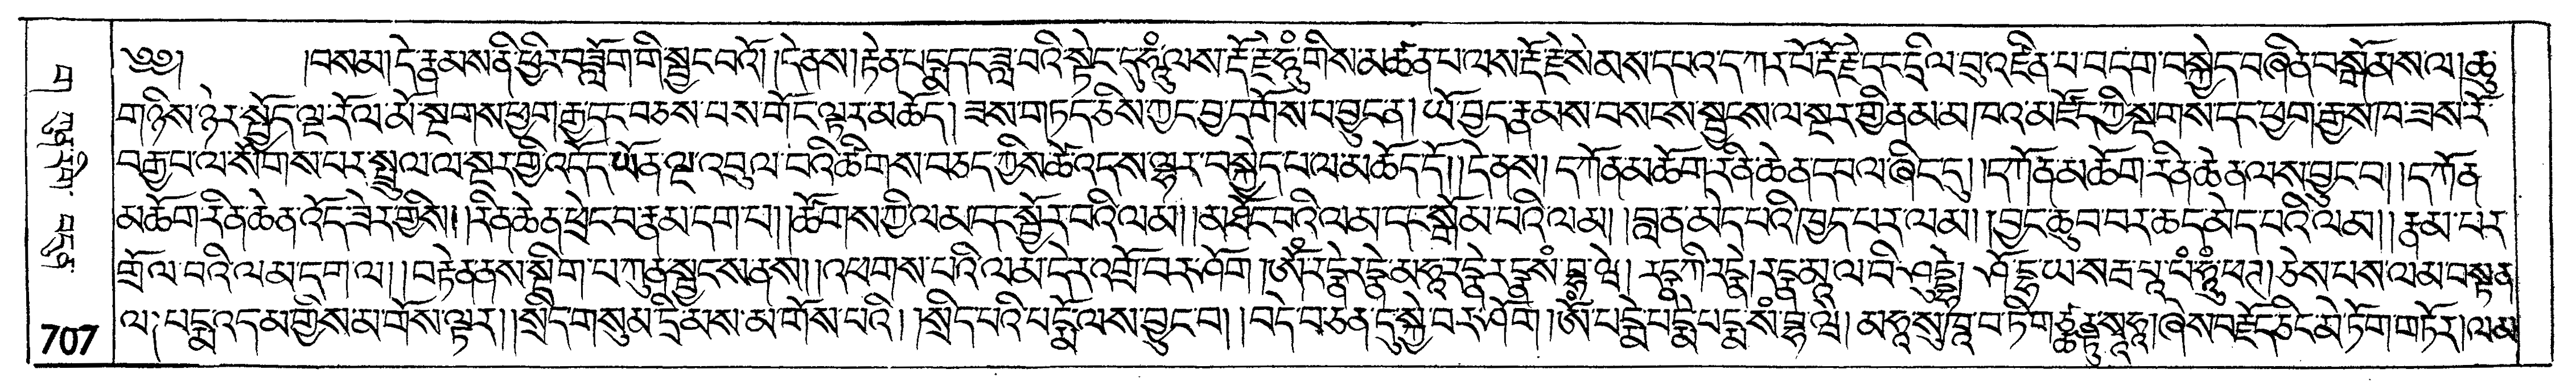༄༅། །བསམ། དེ་རྣམས་ནི་ཕྱིར་བཟློག་གི་སྦྱང་བའོ། །དེ་ནས། རྟེན་པདམ་དང་ཟླ་བའི་སྟེང་དུ་ཧཱུཾ་ལས་རྡོ་རྗེ་ཧཱུཾ་གིས་མཚན་པ་ལས་རྡོ་རྗེ་སེམས་དཔའ་དཀར་པོ་རྡོ་རྗེ་དང་དྲིལ་བུ་འཛིན་པ་བདག་བསྐྱེད་བཞིན་བསྒོམས་ལ། ཆུ་
གཉིས་ཉེར་སྤྱོད་ལྔ་རོལ་མོ་སྔགས་ཕྱག་རྒྱ་དང་བཅས་པས་གོང་ལྟར་མཆོད། ཟས་གཏད་ཅིས་ཀྱང་བྱ་དགོས་པ་བྱུང་ན། ཡོ་བྱད་རྣམས་བསངས་སྦྱངས་ལ་སྔར་གྱི་ནམ་མཁའ་མཛོད་ཀྱི་སྔགས་དང་ཕྱག་རྒྱས་ཁ་ཟས་རོ་
བརྒྱ་པ་ལ་སོགས་པར་སྤྲུལ་ལ་སྔར་གྱི་འདོད་ཡོན་ལྔ་འབུལ་བའི་ཚིགས་བཅད་ཀྱིས་ཚེ་འདས་ལྷར་བསྐྱེད་པ་ལ་མཆོད་དོ། །དེ་ནས། དཀོན་མཆོག་རིན་ཆེན་དཔལ་ཞིང་དུ། །དཀོན་མཆོག་རིན་ཆེན་ལས་བྱུང་བ། །དཀོན་
མཆོག་རིན་ཆེན་འོད་ཟེར་གྱིས། །རིན་ཆེན་ཕྲེང་བ་རྣམ་དག་པ། །ཚོགས་ཀྱི་ལམ་དང་སྦྱོར་བའི་ལམ། །མཐོང་བའི་ལམ་དང་སྒོམ་པའི་ལམ། །བླ་ན་མེད་པའི་ཁྱད་པར་ལམ། །བྱང་ཆུབ་བར་ཆད་མེད་པའི་ལམ། །རྣམ་པར་
གྲོལ་བའི་ལམ་དག་ལ། །བརྟེན་ནས་སྡིག་པ་ཀུན་སྦྱངས་ནས། །འཕགས་པའི་ལམ་དེར་འགྲོ་བར་ཤོག །ཨོཾ་རདྣེ་རདྣེ་མཧཱ་རདྣེ་རདྣ་སཾ་བྷ་ཝེ། རདྣ་ཀི་རདྣེ། རདྣ་མཱ་ལ་བི་ཤུདྡྷེ། ཤོ་དྷ་ཡ་སརྦ་པཱ་པཾ་ཧཱུཾ་ཕཊ། ཅེས་པས་ལམ་བསྟན་
ལ། པདམ་འདམ་གྱིས་མ་གོས་ལྟར། །སྲིད་གསུམ་དྲི་མས་མ་གོས་པའི། །སྲིད་པའི་པདམོ་ལས་བྱུང་བ། །བདེ་བ་ཅན་དུ་སྐྱེ་བར་ཤོག །ཨོཾ་པདམེ་པདམེ་པདམ་སཾ་བྷ་ཝ། མཧཱ་སུ་ཁཱ་བ་ཏི་གཙྪནྟུ་སྭཱཧཱ། ཞེས་བརྗོད་ཅིང་མེ་ཏོག་གཏོར། ལམ་